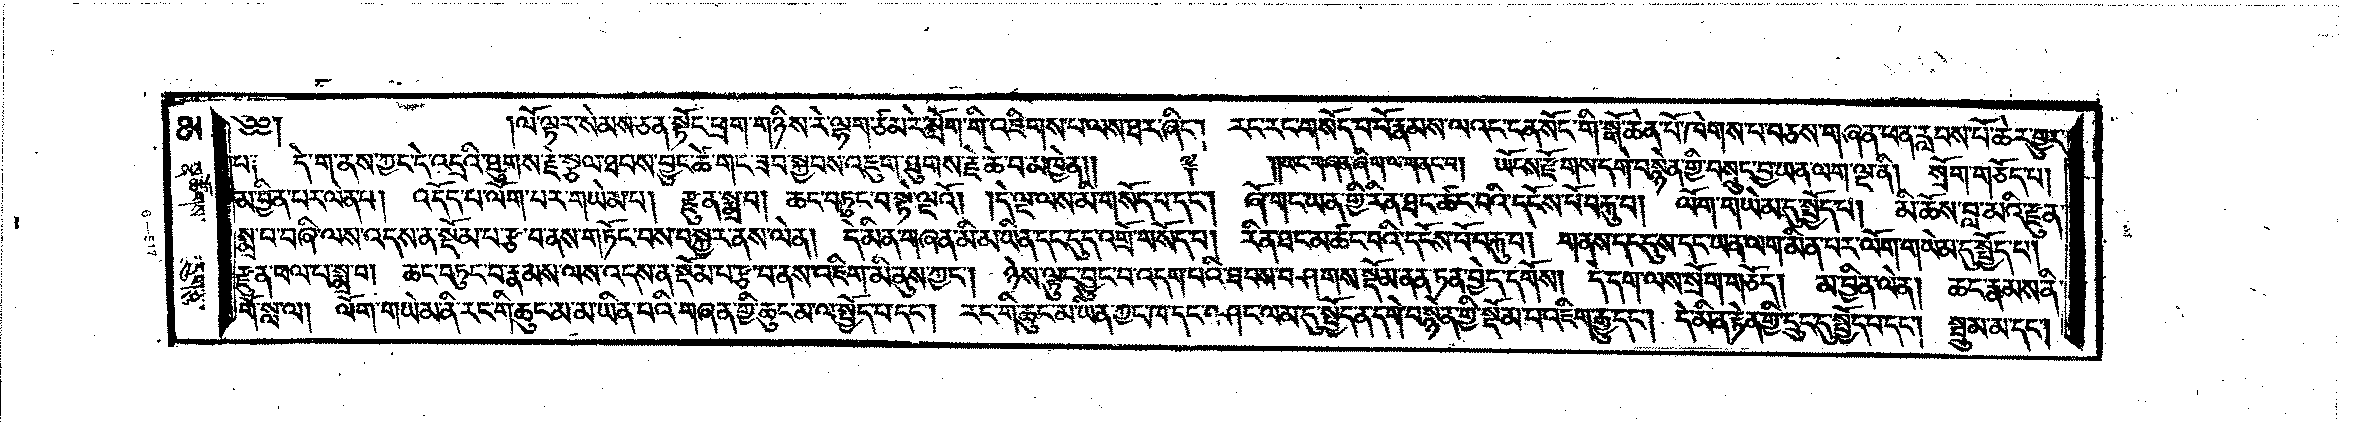༄༅། །ལོ་ལྟར་སེམས་ཅན་སྟོང་ཕྲག་གཉིས་རེ་ལྷག་ཙམ་རེ་སྲོག་གི་འཇིགས་པ་ལས་ཐར་ཞིང་། རང་རང་གསོད་པ་བོ་རྣམས་ལའང་ངན་སོང་གི་སྒོ་ཆེན་པོ་ཁེགས་པ་བཅས་གཞན་ཕན་རླབས་པོ་ཆེར་གྱུར་
པ༑ དེ་ག་ནས་ཀྱང་དེ་འདྲའི་ཐུགས་རྗེ་སྩལ་ཐབས་བྱུང་ཚེ་གང་ཟབ་སྐྱབས་འཇུག་ཐུགས་རྗེ་ཆེ་བ་མཁྱེན།། ༈ །།ཡང་གཞན་ཞིག་ལ་གནང་བ།  ཡོངས་རྫོགས་དགེ་བསྙེན་གྱི་བསྲུང་བྱ་ཡན་ལག་ལྔ་ནི། སྲོག་གཅོད་པ།
མ་བྱིན་པར་ལེན་པ། འདོད་པ་ལོག་པར་གཡེམ་པ། རྫུན་སྨྲ་བ། ཆང་བཏུང་བ་སྟེ་ལྔའོ། །དེ་ལྔ་ལས་མི་གསོད་པ་དང་། ཞོ་གང་ཡན་གྱི་རིན་ཐང་ཚང་བའི་དངོས་པོ་བརྐུ་བ། ལོག་གཡེམ་དུ་སྤྱོད་པ། མི་ཆོས་བླ་མའི་རྫུན་
སྨྲ་བ་བཞི་ལས་འདས་ན་སྡོམ་པ་རྩ་བ་ནས་གཏོང་བས་བསྐྱར་ནས་ལེན། དེ་མིན་གཞན་མི་མ་ཡིན་དང་དུད་འགྲོ་གསོད་པ། རིན་ཐང་མཚང་བའི་དངོས་བོ་བརྐུ་བ། གནས་དང་དུས་དང་ཡན་ལག་མིན་པར་ལོག་གཡེམ་དུ་སྤྱོད་པ།
རྫུན་ཕལ་པ་སྨྲ་བ། ཆང་བཏུང་བ་རྣམས་ལས་འདས་ན་སྡོམ་པ་རྩ་བ་ནས་འཇིག་མི་ནུས་ཀྱང་། ཉེས་ལྟུང་བྱུང་བ་འདག་བའི་ཐབས་བཤགས་སྡོམ་ནན་ཏན་བྱེད་དགོས། དེ་དག་ལས་སྲོག་གཅོད། མ་བྱིན་ལེན། ཆང་རྣམས་ནི།
གོ་སླ་ལ། ལོག་གཡེམ་ནི་རང་གི་ཆུང་མ་མ་ཡིན་པའི་གཞན་གྱི་ཆུང་མ་ལ་སྤྱོད་པ་དང་། རང་གི་ཆུང་མ་ཡིན་ཀྱང་ཁ་དང་བཤད་ལམ་དུ་སྤྱོད་ན་དགེ་བསྙེན་གྱི་སྡོམ་པ་འཇིག་རྒྱུ་དང་། དེ་མིན་རྟེན་གྱི་དྲུང་དུ་སྤྱོད་པ་དང་། སྦྲུམ་མ་དང་།